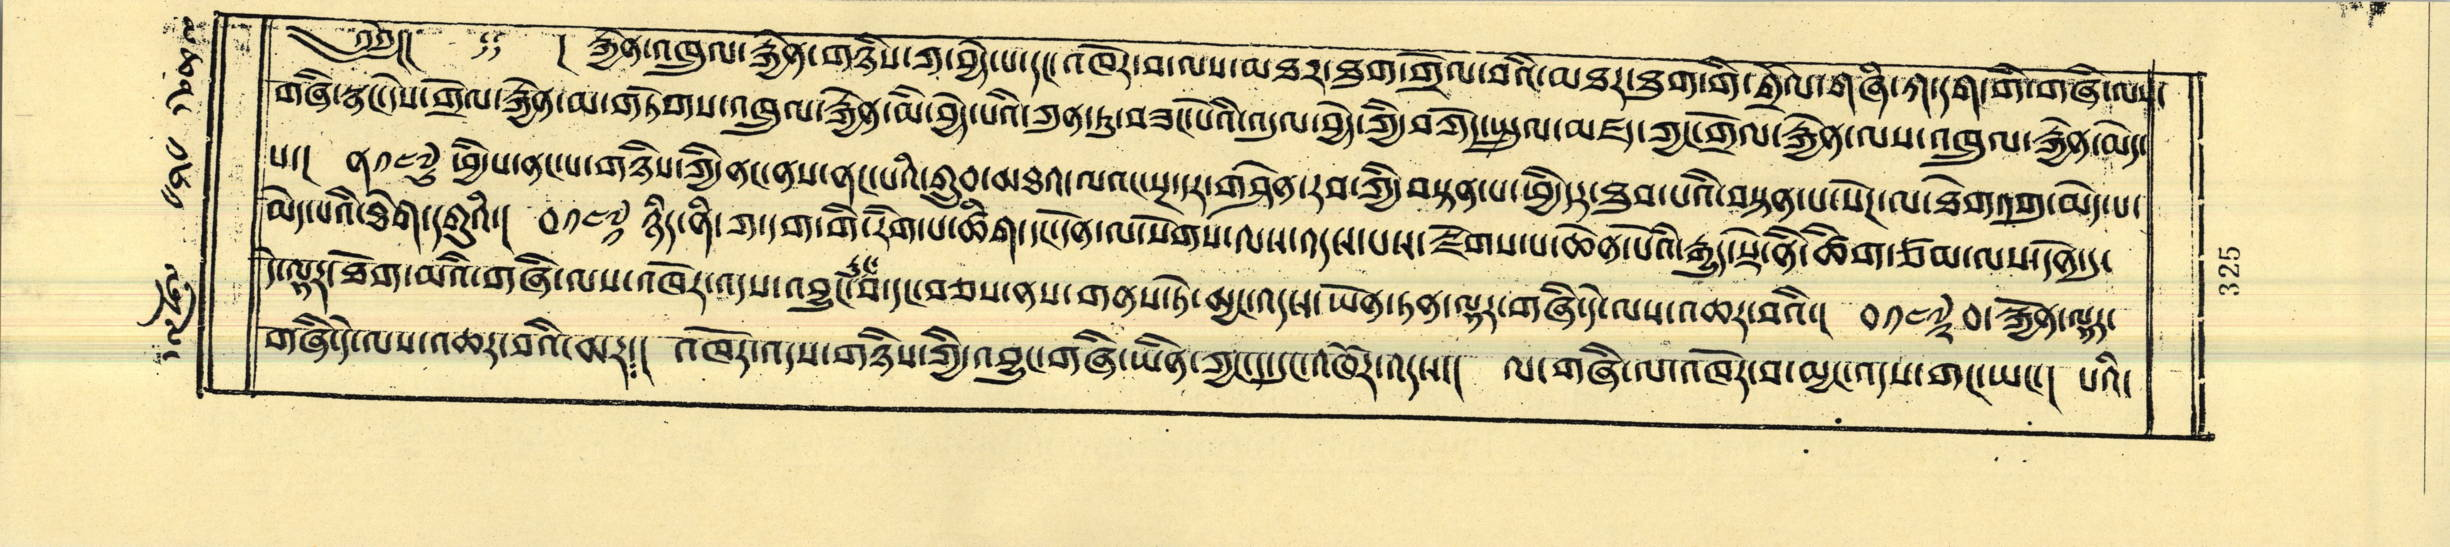རྐྱེན་འཁྲུལ་རྐྱེན་གཉིས་ཀ་བྱེད་པ་དང་འཁོར་བ་ལས་མཐར་ཐུག་གྲོལ་བའི་མཐར་ཐུག་གི་ ༼གྲོལ་གཞི་ཀ་དག་༽གི་གཞི་ལས་
གཞི་སྣང་དེས་གྲོལ་རྐྱེན་མ་གཏོགས་འཁྲུལ་རྐྱེན་མི་བྱེད་པའི་ཀུན་ཏུ་བཟང་པོའི་འདུལ་བྱེད་ཀྱི་བཀོད་སྤྲུལ་མཛད་ཀྱང་གྲོལ་རྐྱེན་ལས་འཁྲུལ་རྐྱེན་མེད་
པ། ན༡༤༧།༦ ཕྱི་པ་ནང་པ་གཉིས་ཀྱི་ནང་ནས་ ༼ནང་པའི་གྲུབ་མཐའ་༽ལའང་སྔ་དར་གཤེན་རབ་ཀྱི་བསྟན་པ་ཕྱི་དར་ཐུབ་པའི་བསྟན་པ་སོགས་ལ་ཐེག་དགུ་མེད་པ་
མེད་པའི་ ༼ཐེག་དགུའི།༽བ༡༤༧།༡ ༼ཉིད་ནི་༽ཀ་དག་གི་རིག་པ་ ༼ཚིག་༽དང་དོན་ལ་སོགས་ ༼ལས་འདས་པས་༽སྫོགས་པ་ཆེན་པོའི་རྒྱུད་སྡེ་ནི་ཚིག་ཙམ་ལས་དོན་དུ་ 
༼དེ་ལྟར་༽ཐོག་མའི་གཞི་ལས་འཁོར་འདས་འབྱུང་རུང་བ་དང་བཅས་ནས་གནས་ཏེ་ ༼མྱང་འདས་༽ཡོན་ཏན་ལྟར་གཞི་དེ་ལས་འཆར་བའི། བ༡༤༧།༢ ༼བ་༽སྐྱོན་ལྟར་
གཞི་དེ་ལས་འཆར་བའི་ ༼མར།༽འཁོར་འདས་གཉིས་ཀྱི་འབྱུང་གཞི་ཡིན་ཀྱང་ད་དུང་ ༼འཁོར་འདས།༽ ༼ལ་༽གཞི་ལ་འཁོར་བ་མྱང་འདས་གང་ཡང། ༼པའི་༽